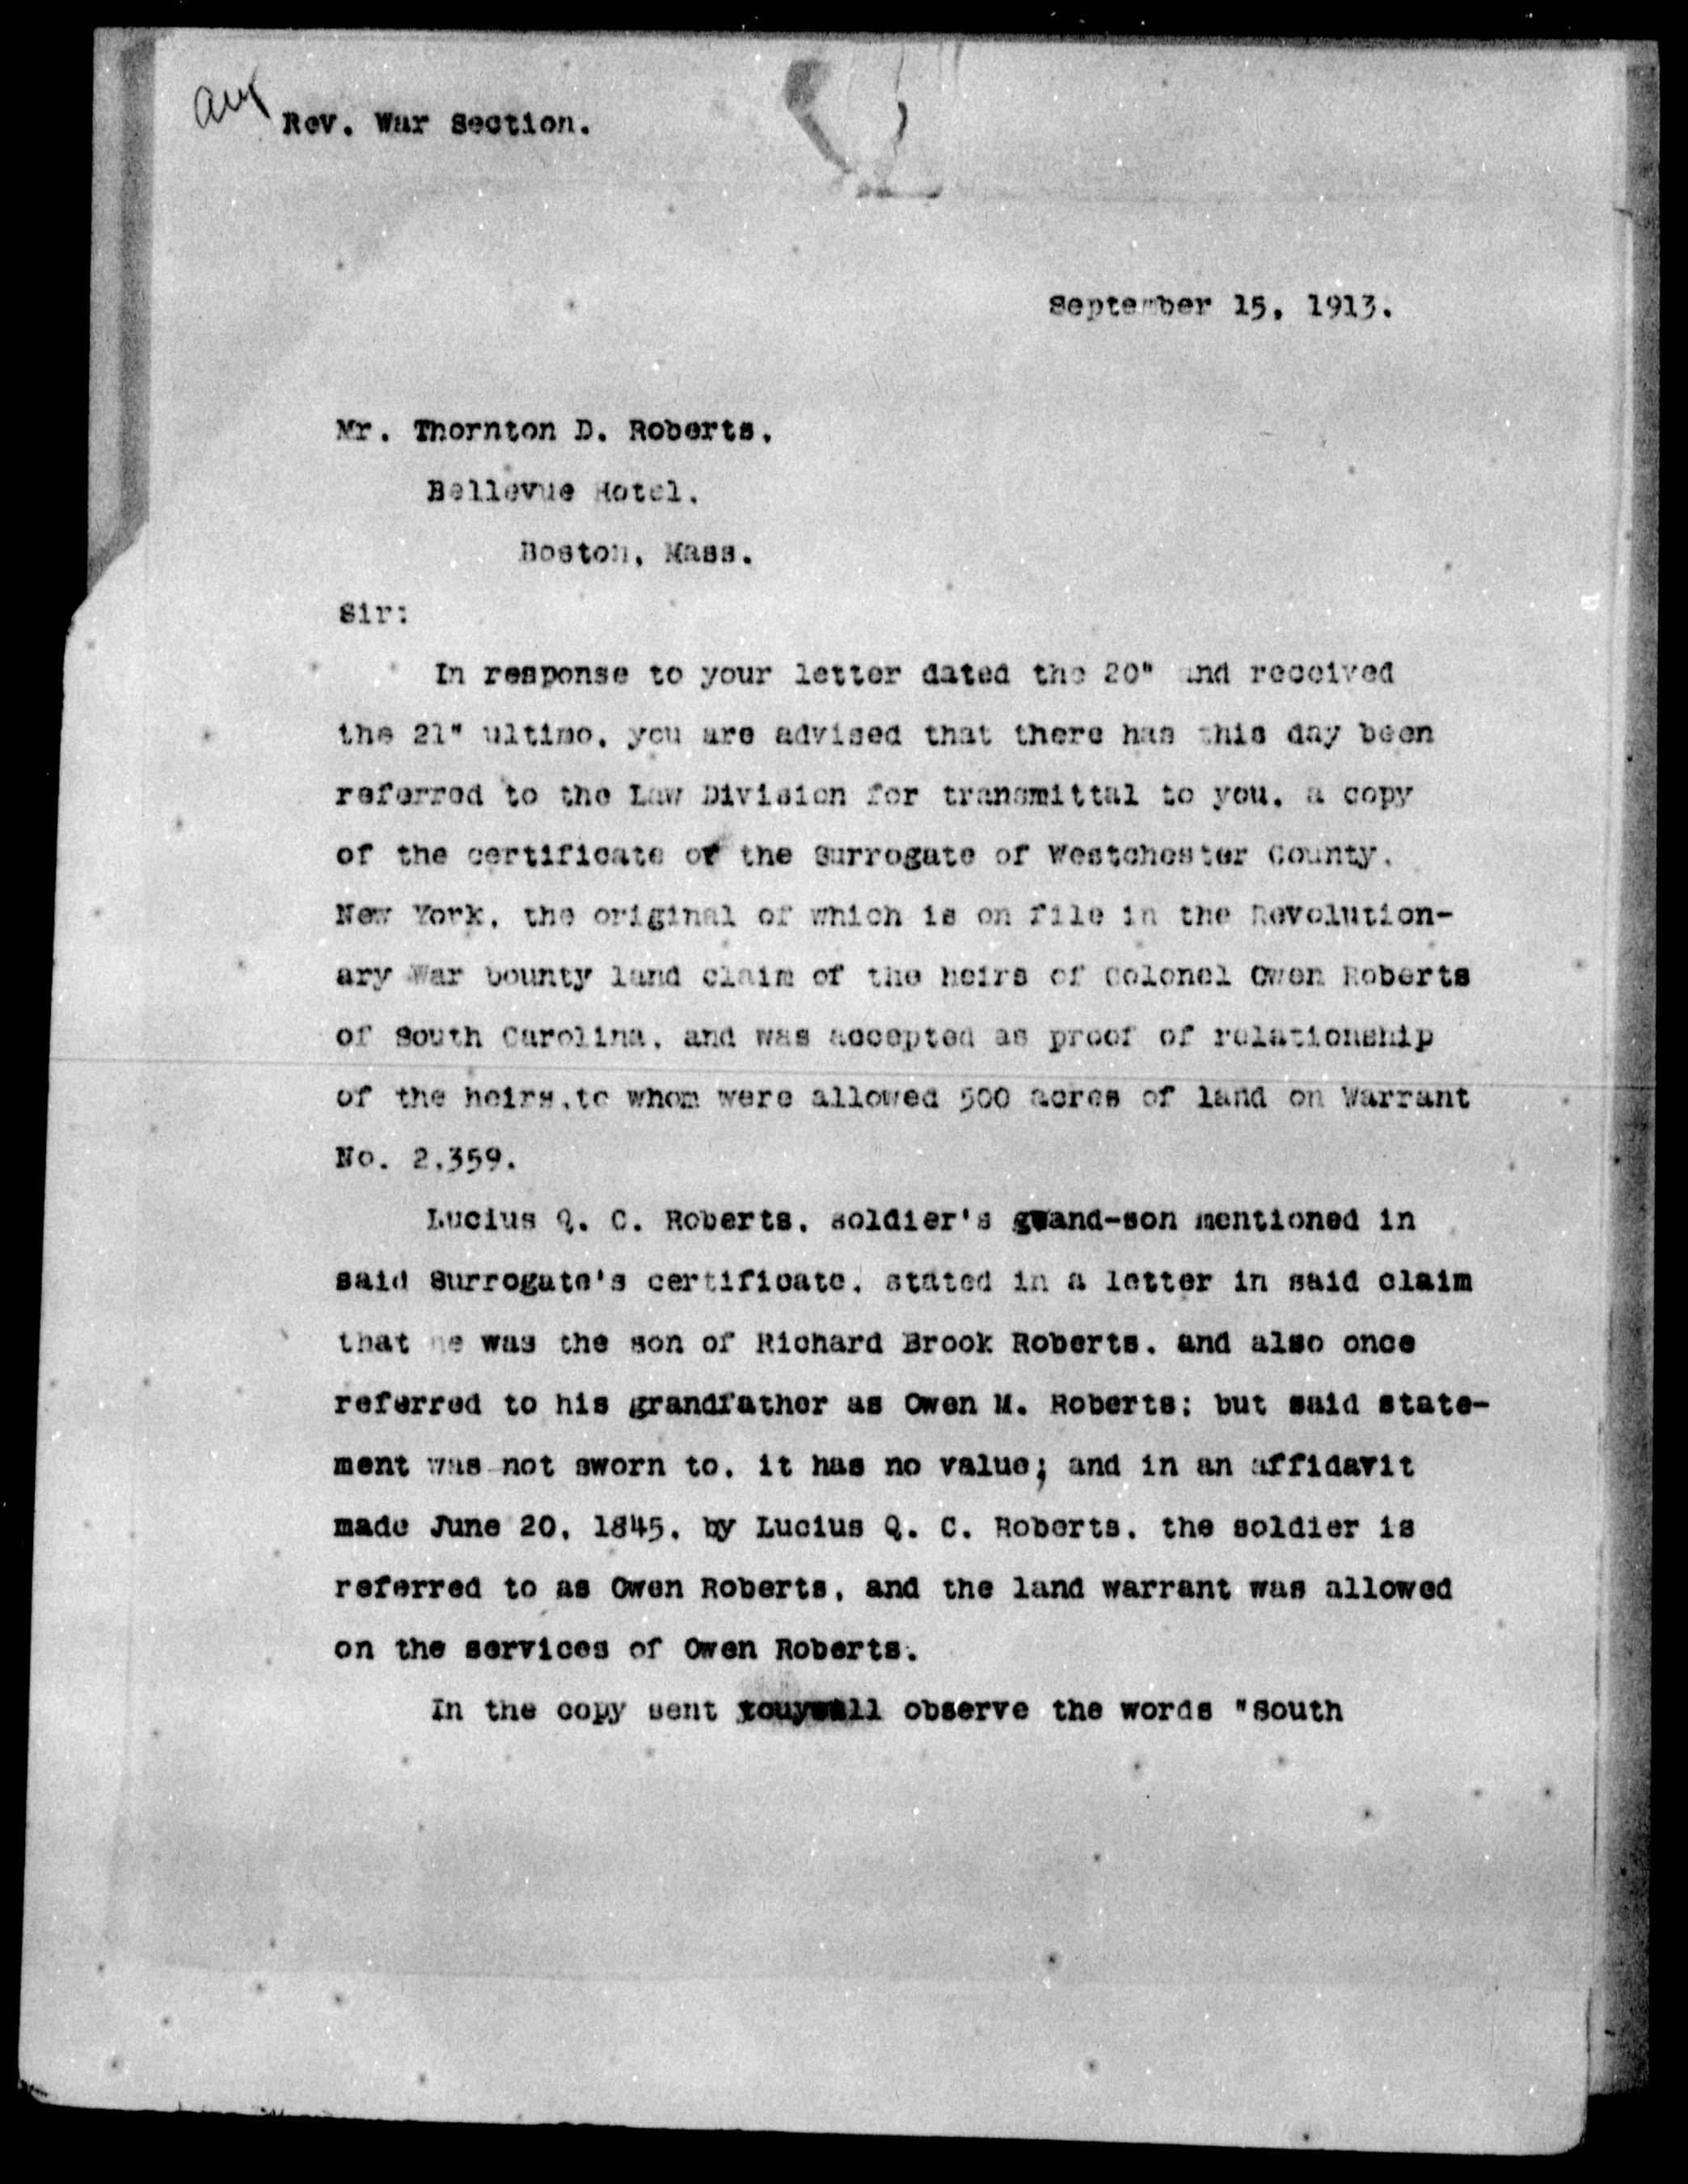[on paper behind main paper: Rev. War Section.]
[on main paper:]

September 15. 1913.
Mr. Thornton D. Roberts.
Bellevue Hotel.
Boston, Mass.
Sir:
In response to your letter dated the 20" and received the 21" ultimo, you are advised that there has this any been referred to the Law Division for transmittal to you. a copy of the certificate of the surrogate of Westchester county, New York, the original or which is on file in the Revolutionary War bounty land claim of the heirs of Colonel Owen Roberts of South Carolina, and was accepted as proof of relationship of the heirs, to whom were allowed 500 acres of land on Warrant No. 2,359.
Lucius Q. C. Roberts, soldier's grand-son mentioned in said Surrogate's certificate, stated in a letter in said claim that he was the son or Richard Brook Roberts, and also once referred to his grandfather as Owen M. Roberts: but said statement was not sworn to, it has no value; and in an affidavit made June 20, 1845. by Lucius Q. C. Roberts. the soldier is referred to as Owen Roberts, and the land warrant was allowed on the services of Owen Roberts.
In the copy sent you will observe the words "South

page: 42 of 59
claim: bounty land warrant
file: B.L.Wt. 2359-500, for Owen Roberts, South Carolina